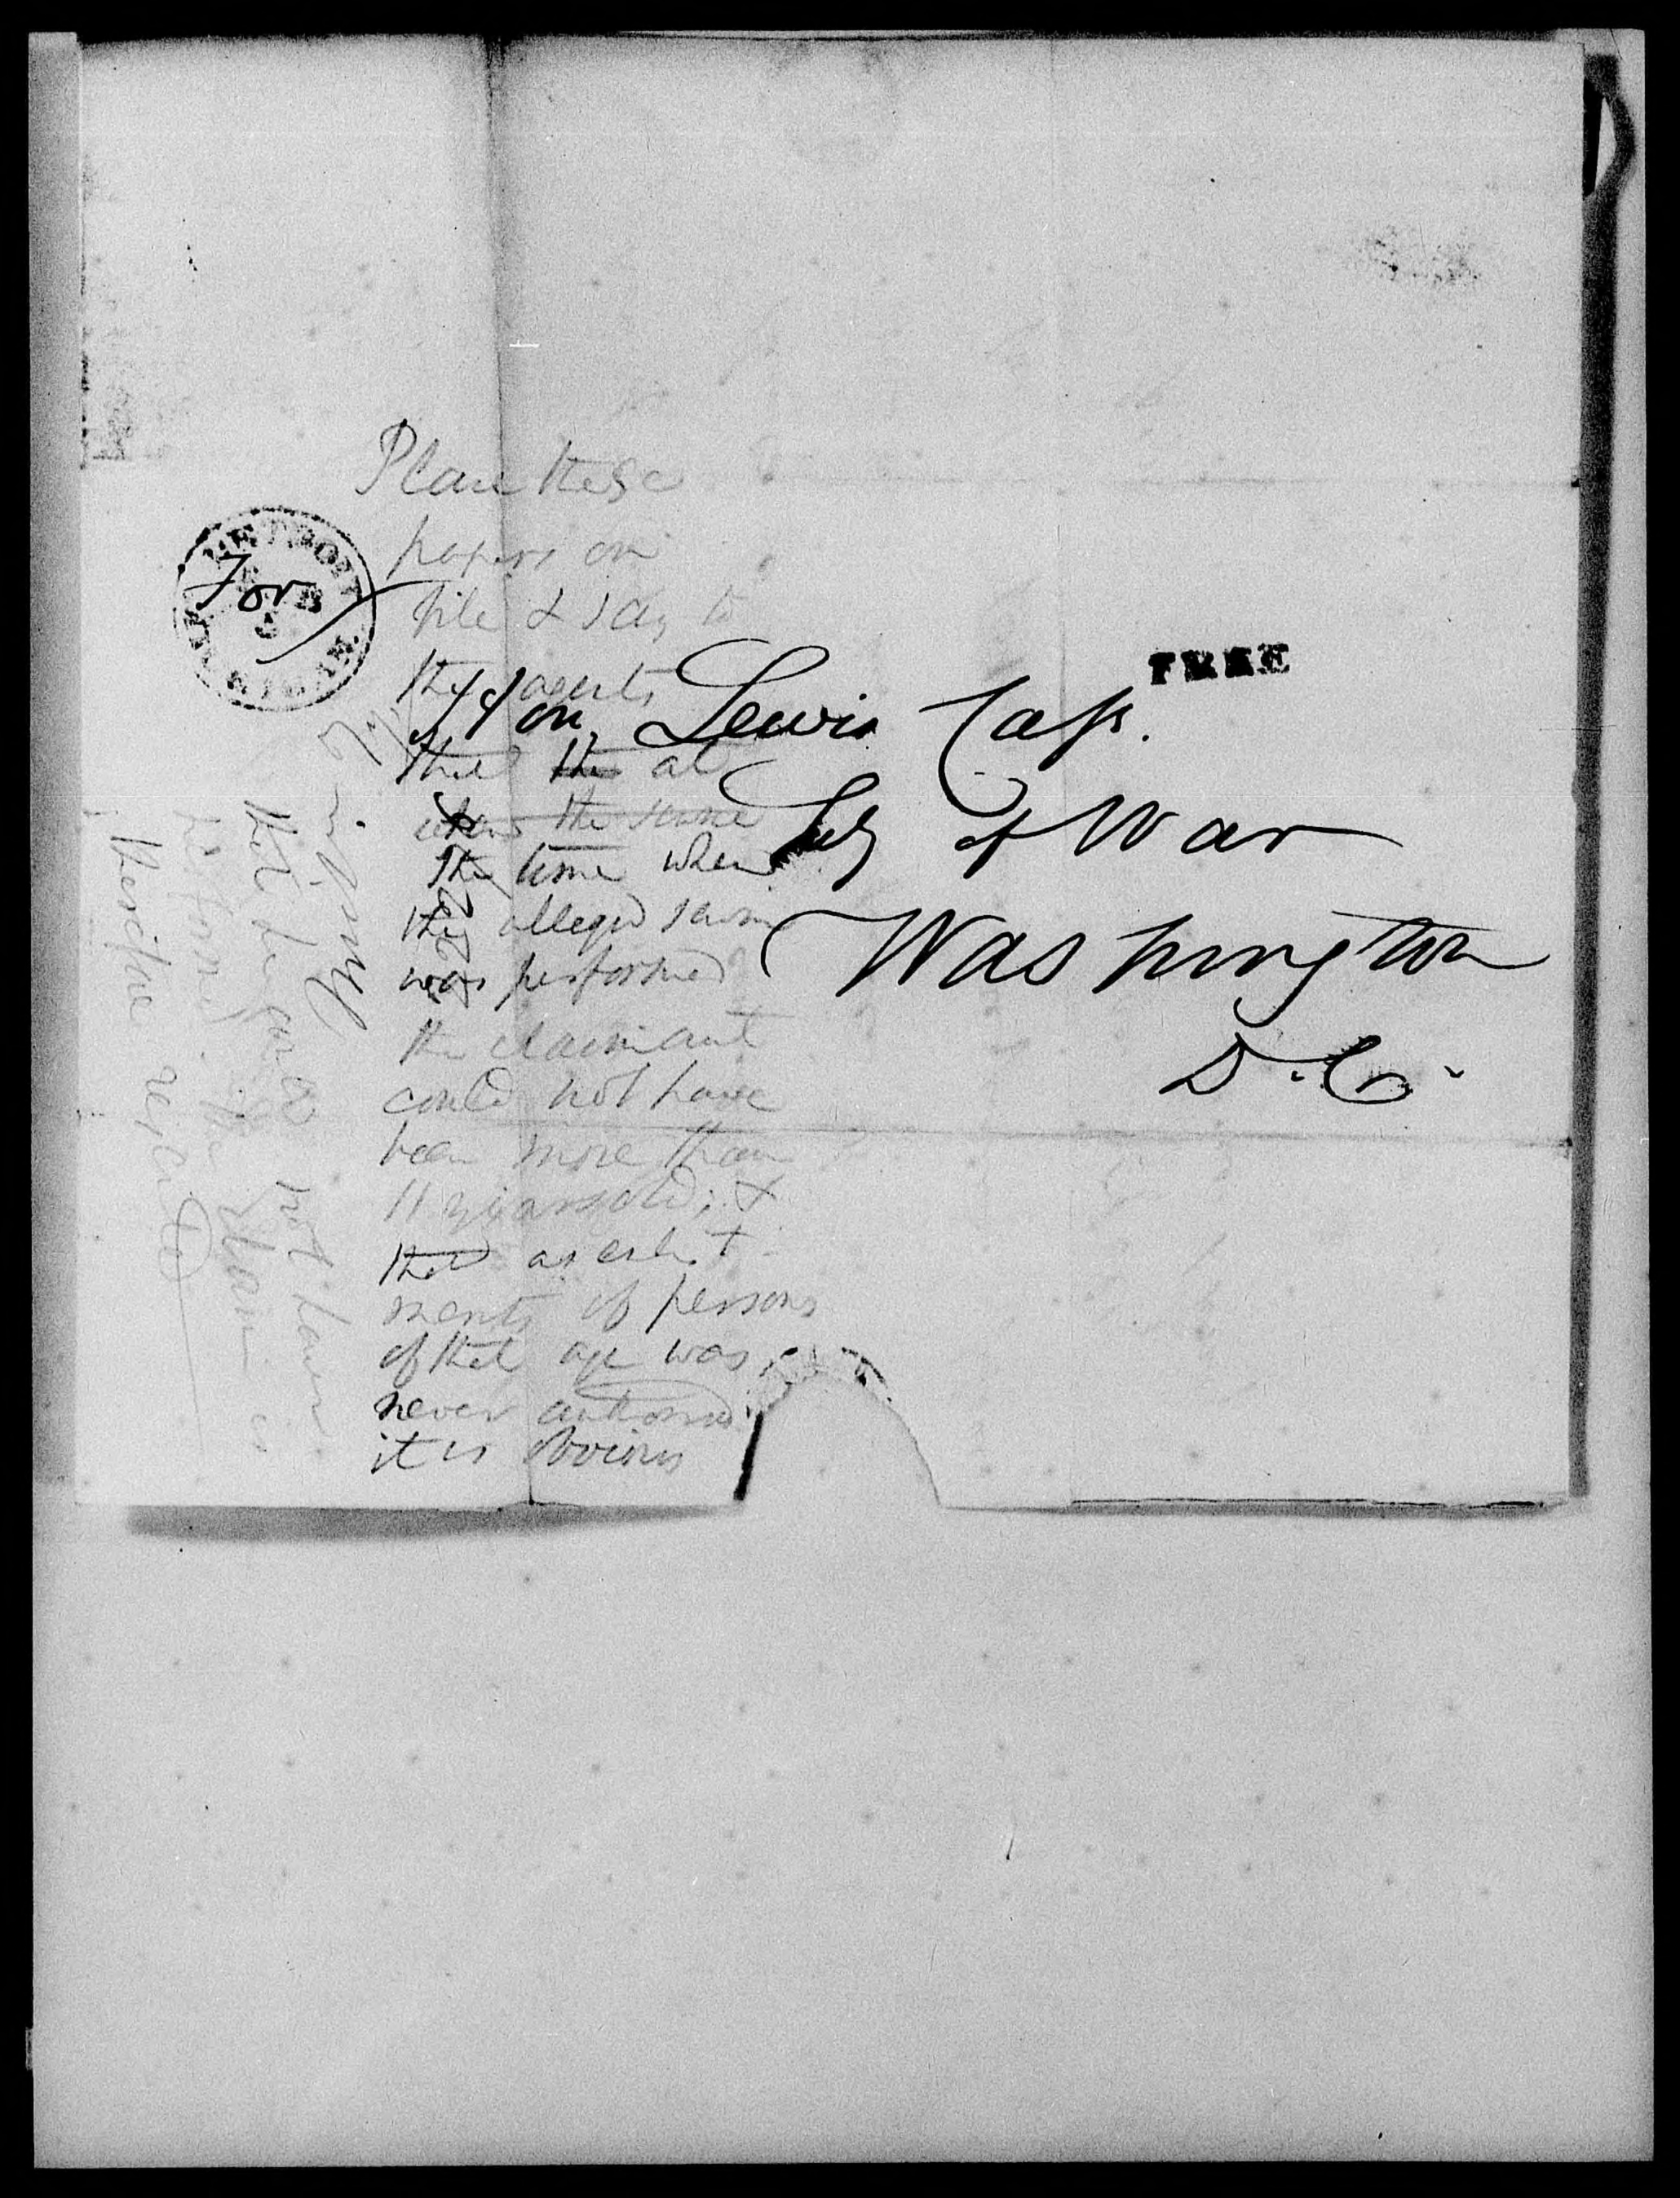Hon. Lewis Cass
Dep of War
Washington
D.G.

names: Lewis Cass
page: 12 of 13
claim: rejected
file: R. 6441, for Benjamin Loomis, Connecticut